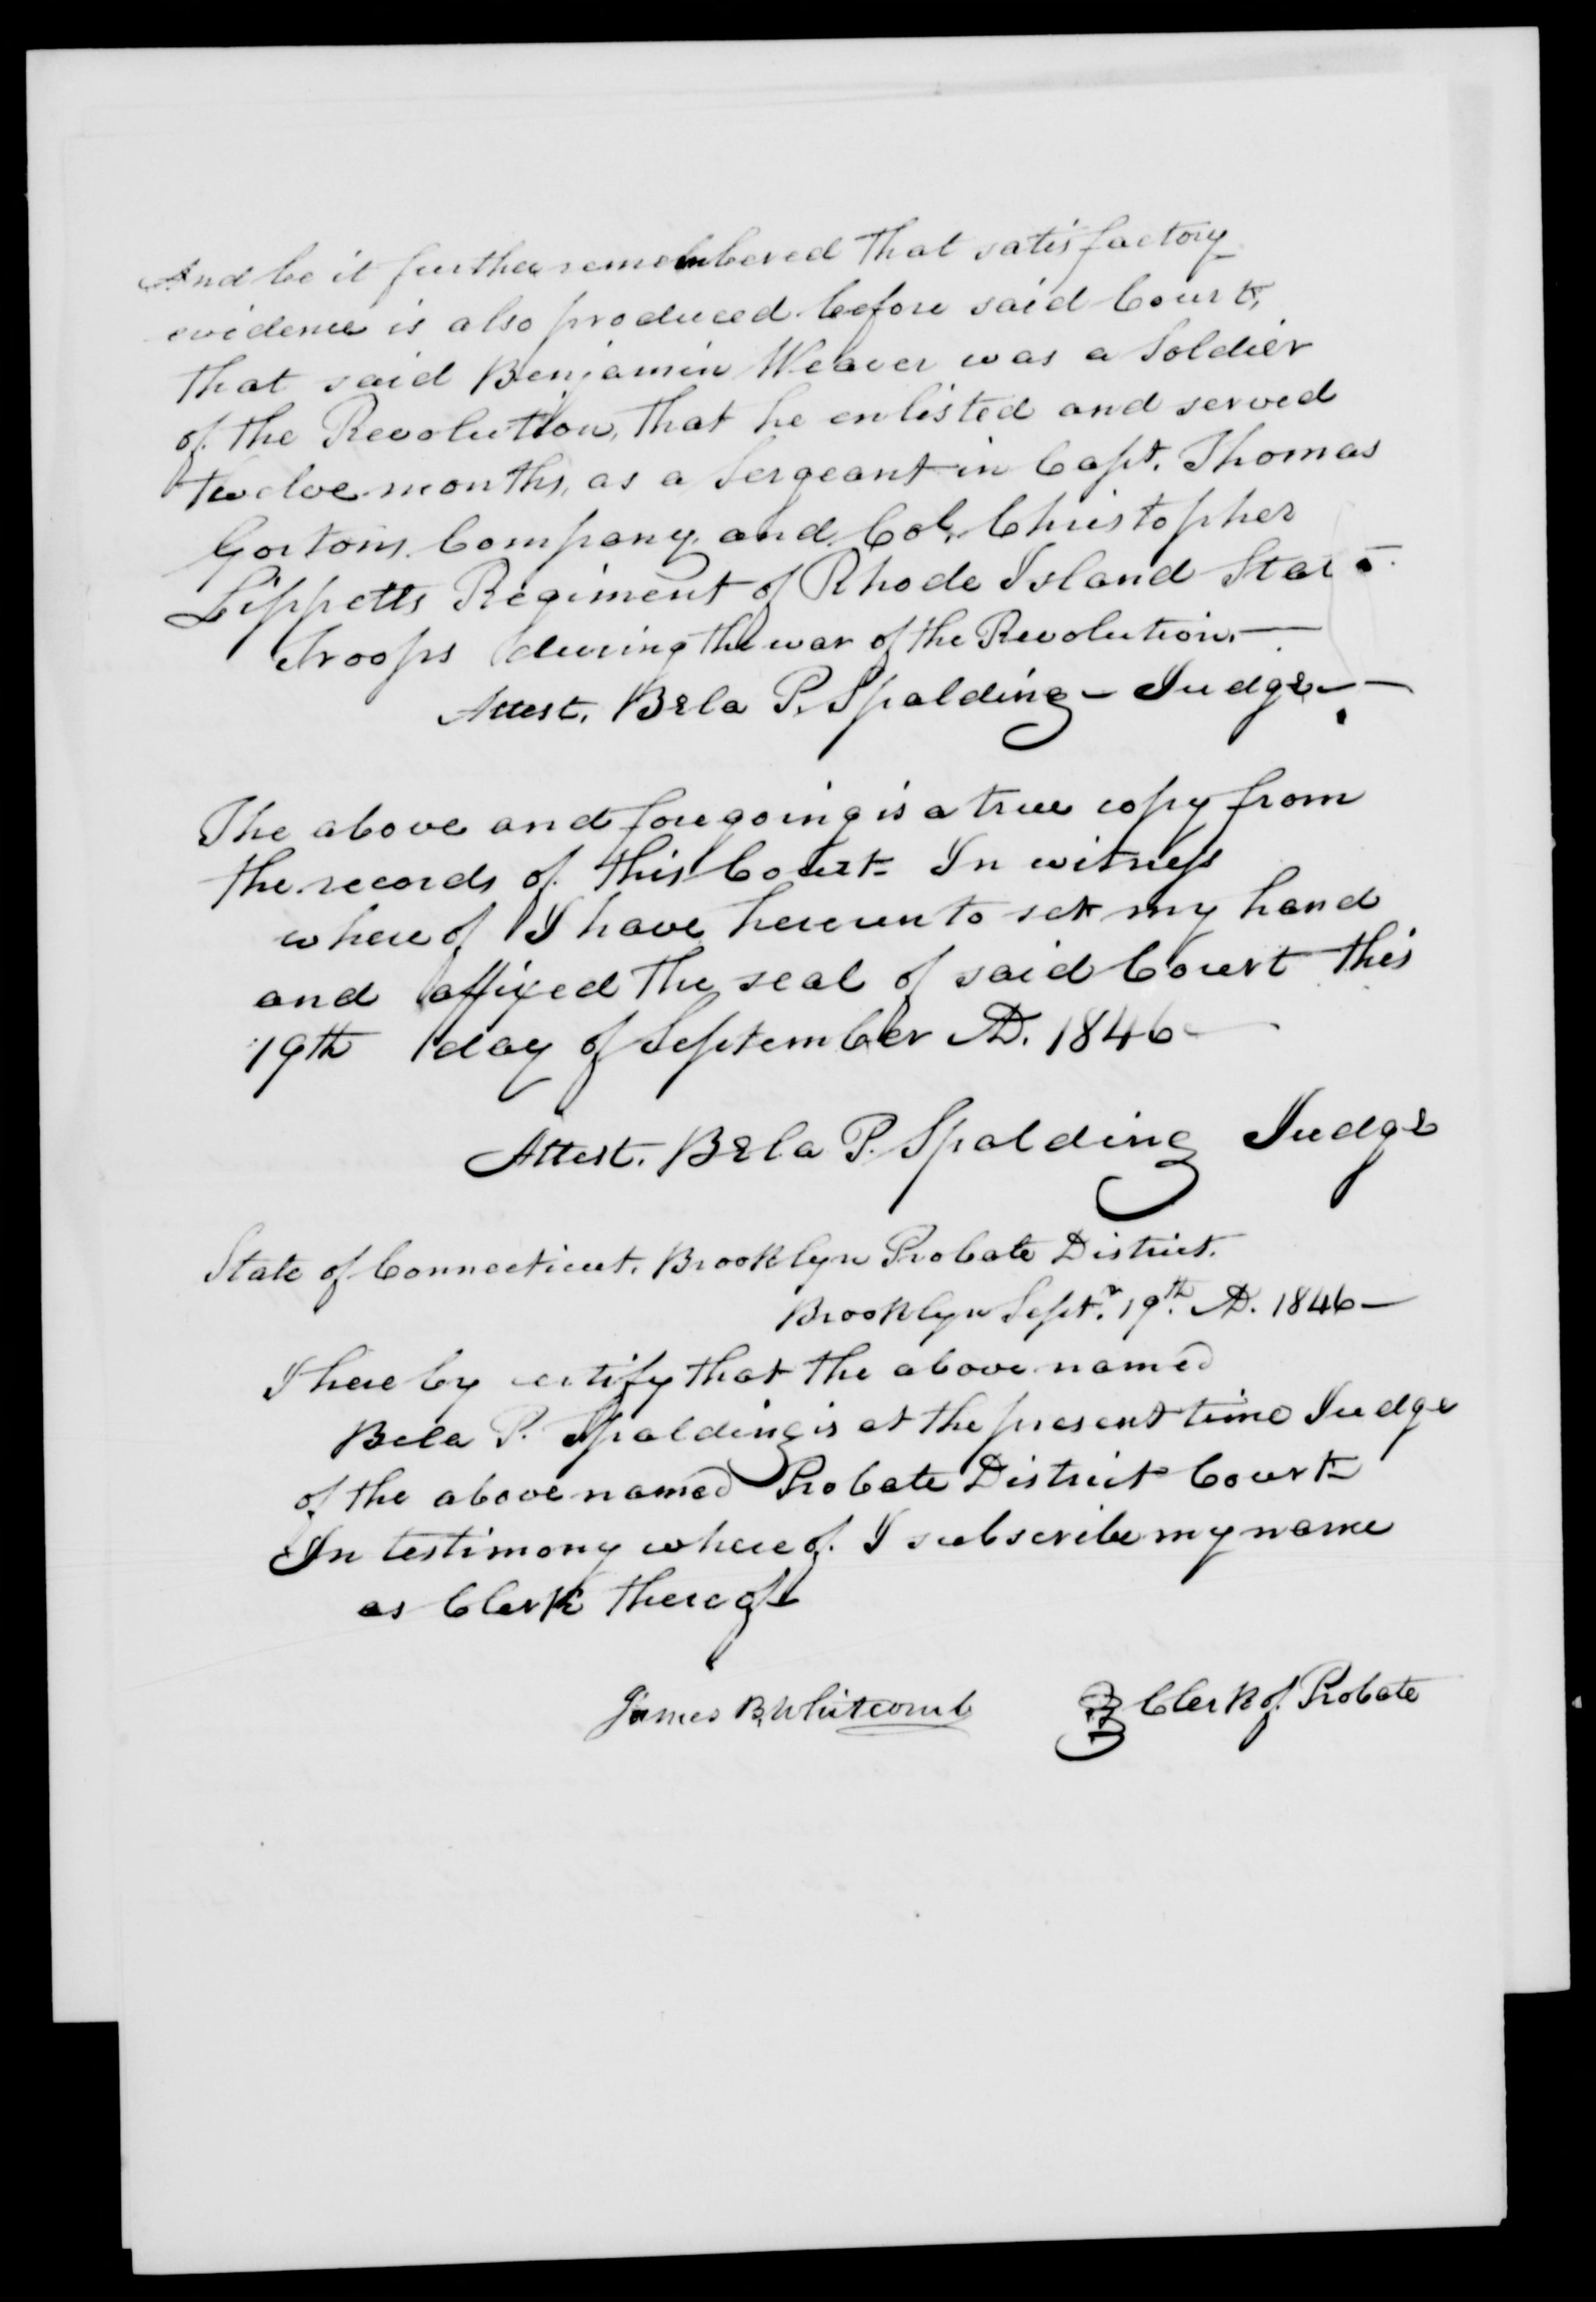And be it further remembered that satisfactory evidence is also produced before said Court that said Benjamin Weaver was a Soldier of the Revolution, that he enlisted and served twelve months as a Sergeant in Capt. Thomas Gordon’s Company and Col. Christoper Leppetts Regiment of Rhode Island State Troops during the war of the Revolution—
Attest. Bela P. Spalding Judge

The above and foregoing is a true copy from the records of this Court. In witness where of I have hereunto set my hand and affixed the seal of said Court this 19th day of September A.D. 1846~~

Attest. Bela P. Spalding Judge

State of Connecticut, Brooklyn Probate District
Brooklyn Sept 19th A.D. 1846.
Thereby certify that the above named 
Bela P. Spalding is at the present time Judge of the above named Probate District Court
In testimony where of I subscribe my name as Clerk there of-

James B. Whitcomb  Clerk of Probate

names: James B Whitcomb, Bela P Spalding, Benjamin Weaver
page: 14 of 53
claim: widow's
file: W 17707, Benjamin Weaver, R.I.